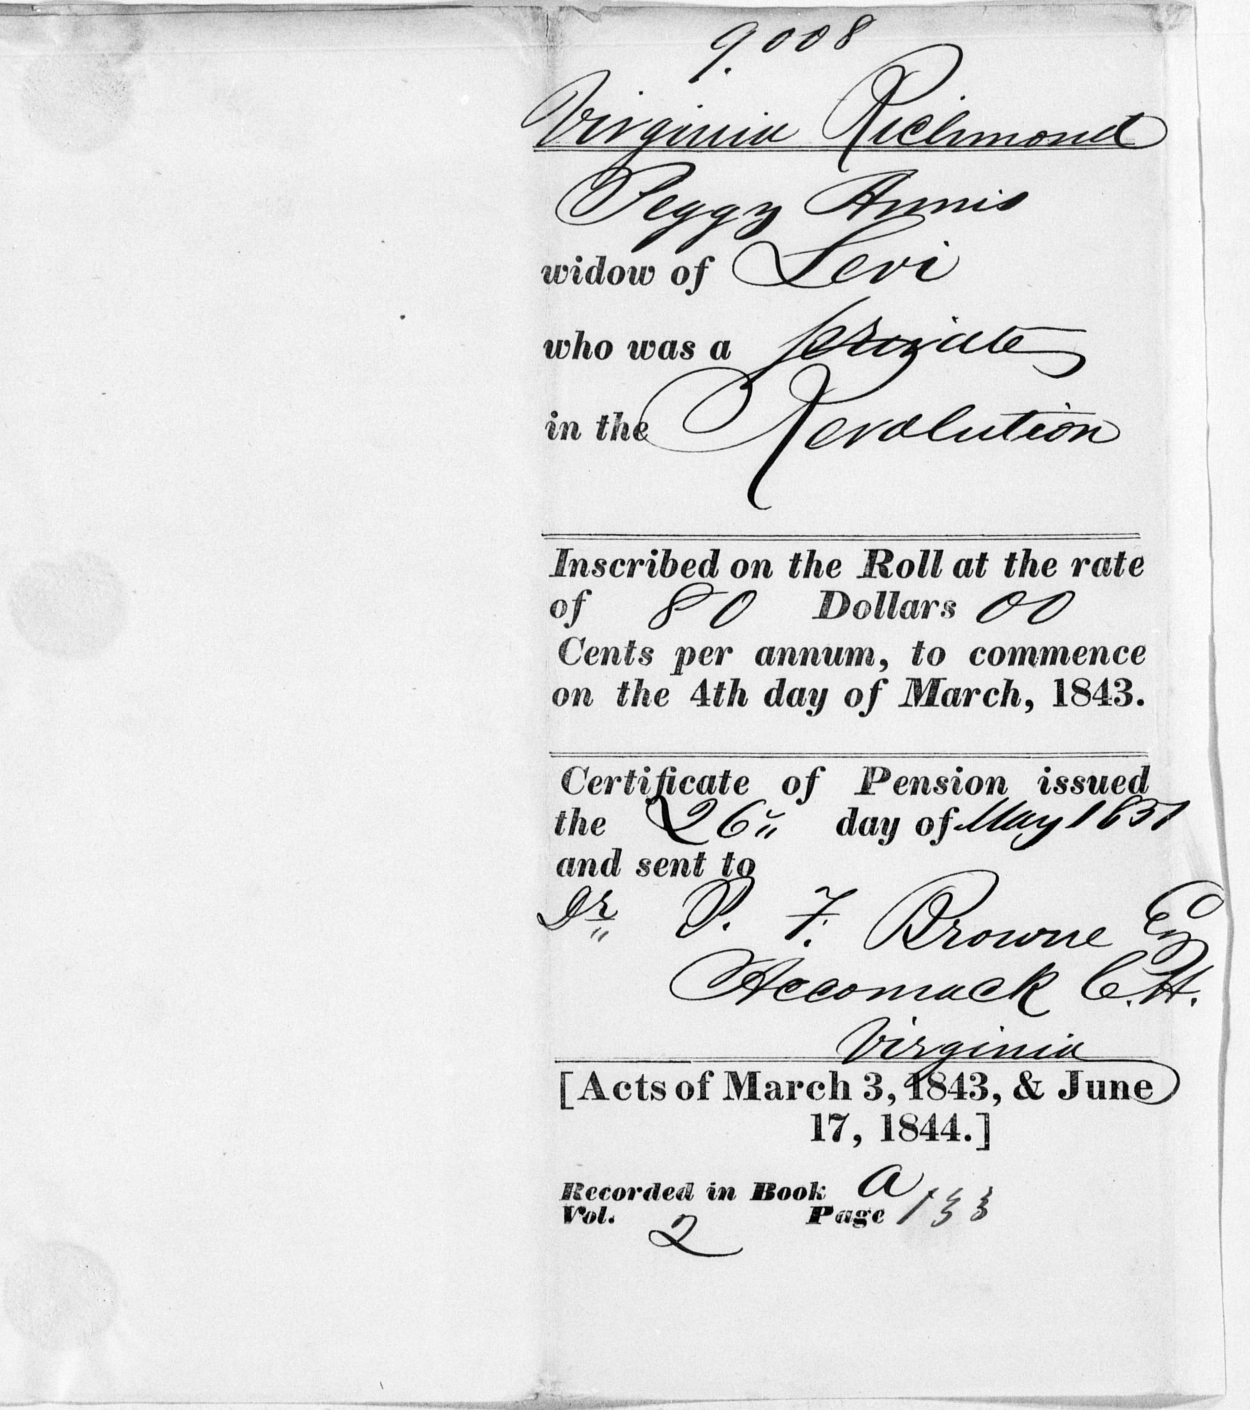9008
Virginia Richmond
Peggy Annis
widow of Levi
who was a private
in the Revolution

Inscribed on the Roll at the rate of 80 Dollars 00 Cents per annum, to commence on the 4th day of March, 1843.

Certificate of Pension issued the 26" day of May 1837 and sent to
Jr,, P. F. Brown Esq
Accomack C.H.
Virginia

[Acts of March 3, 1843, & June 17, 1844.]

Recorded in Book A
Vol. 2 Page 133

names: Levi, Peggy Annis, P F Browne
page: 13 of 27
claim: widow's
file: W 5624, Levi Annis, Va. Va. Sea Service